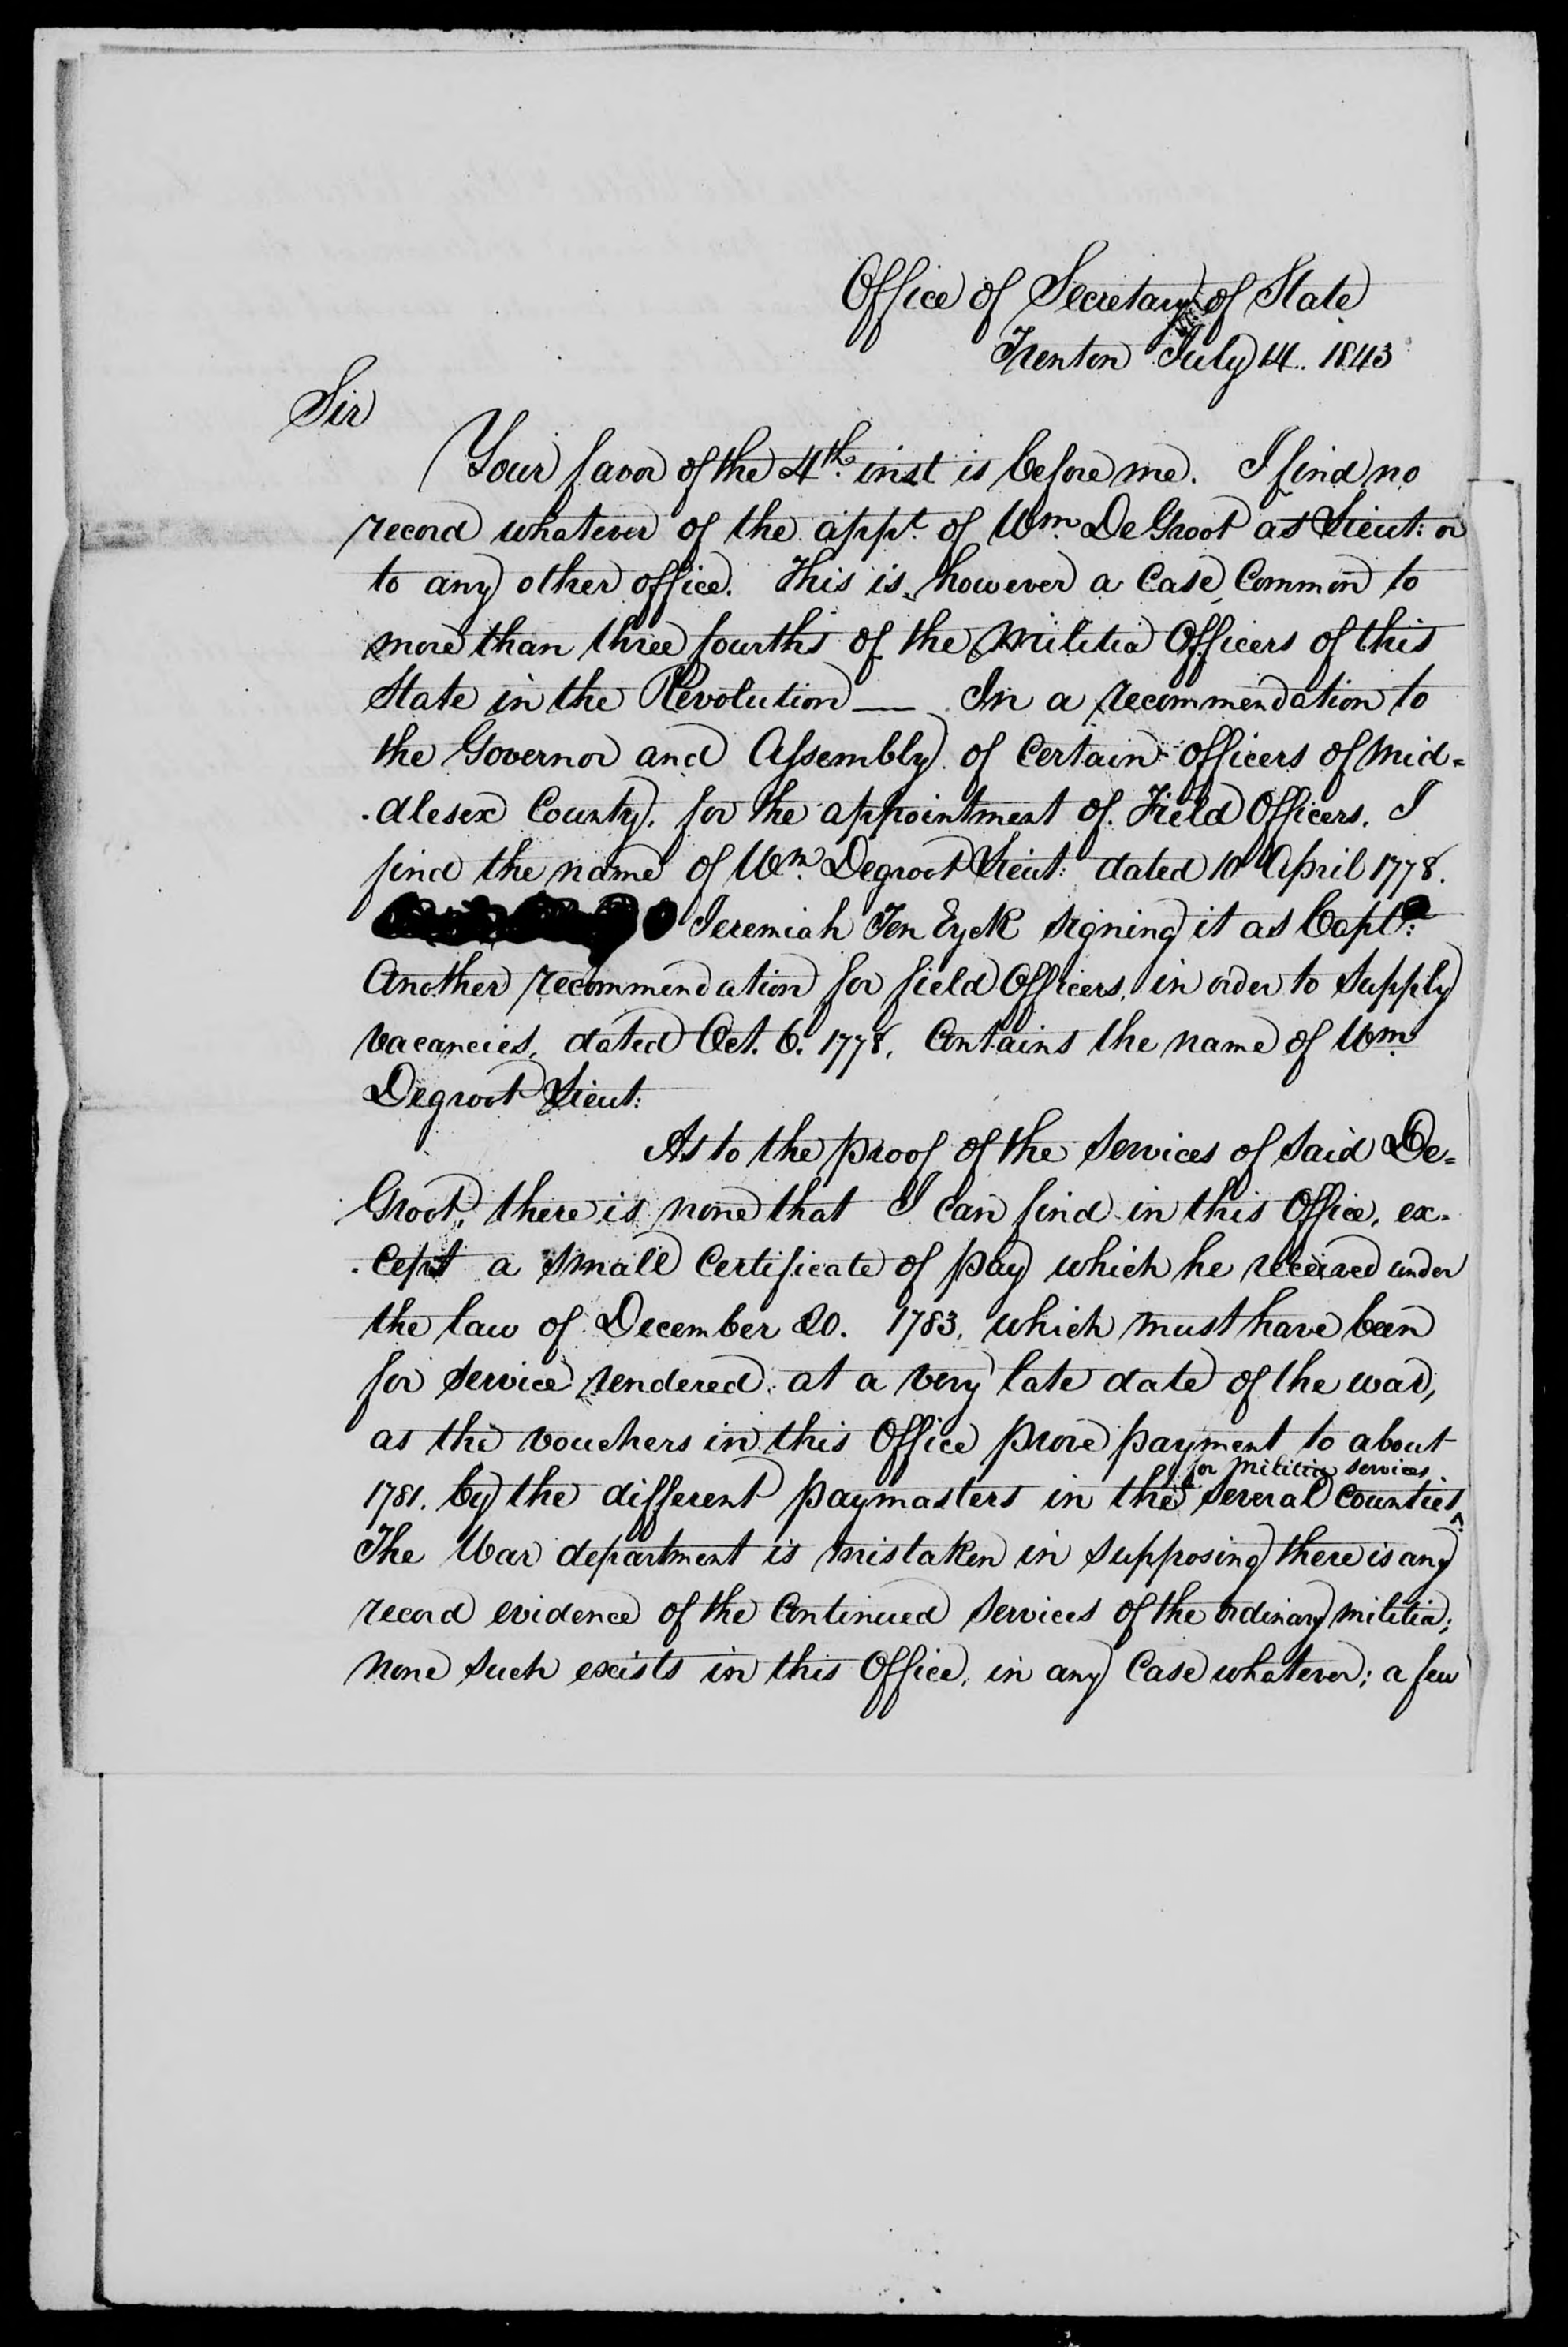Office of Secretary of State
Trenton July 14 1843
Sir
Your favor of the 4th inst is before me. I find no record whatever of the appt. of Wm DeGroot as Lieut or to any other office.  This is however a case common to more than three fourths of the militia officers of this state in the Revolution -- In a recommendation to the Governor and Assembly of certain officers of Middlesex County for the appointment of Field Officers, I find the name of Wm Degroot Lieut dated 10 April 1778. Jeremiah Ten Eyck signing it as Capt. Another recommendation for field officers in order to supply vacancies, dated Oct. 6. 1778, contains the name of Wm Degroot Lieut.
  As to the proof of the services of said DeGroot, there is none that I can find in this office except a small certificate of pay which he received under the law of December 20 1783, which must have been for service rendered at a very late date of the war, as the vouchers in this office prove payment to about 1781 by the different paymasters in the several counties for militia services. The War department is mistaken in supposing there is any record evidence of the continued services of the ordinary militia; none such exists in this office, in any case whatever; a few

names: Wm De Groot, Jeremiah Ten Eyck, Wm Degroot, De Groot, Wm Degroot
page: 32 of 77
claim: widow's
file: W. 417, William De Groot, New Jersey